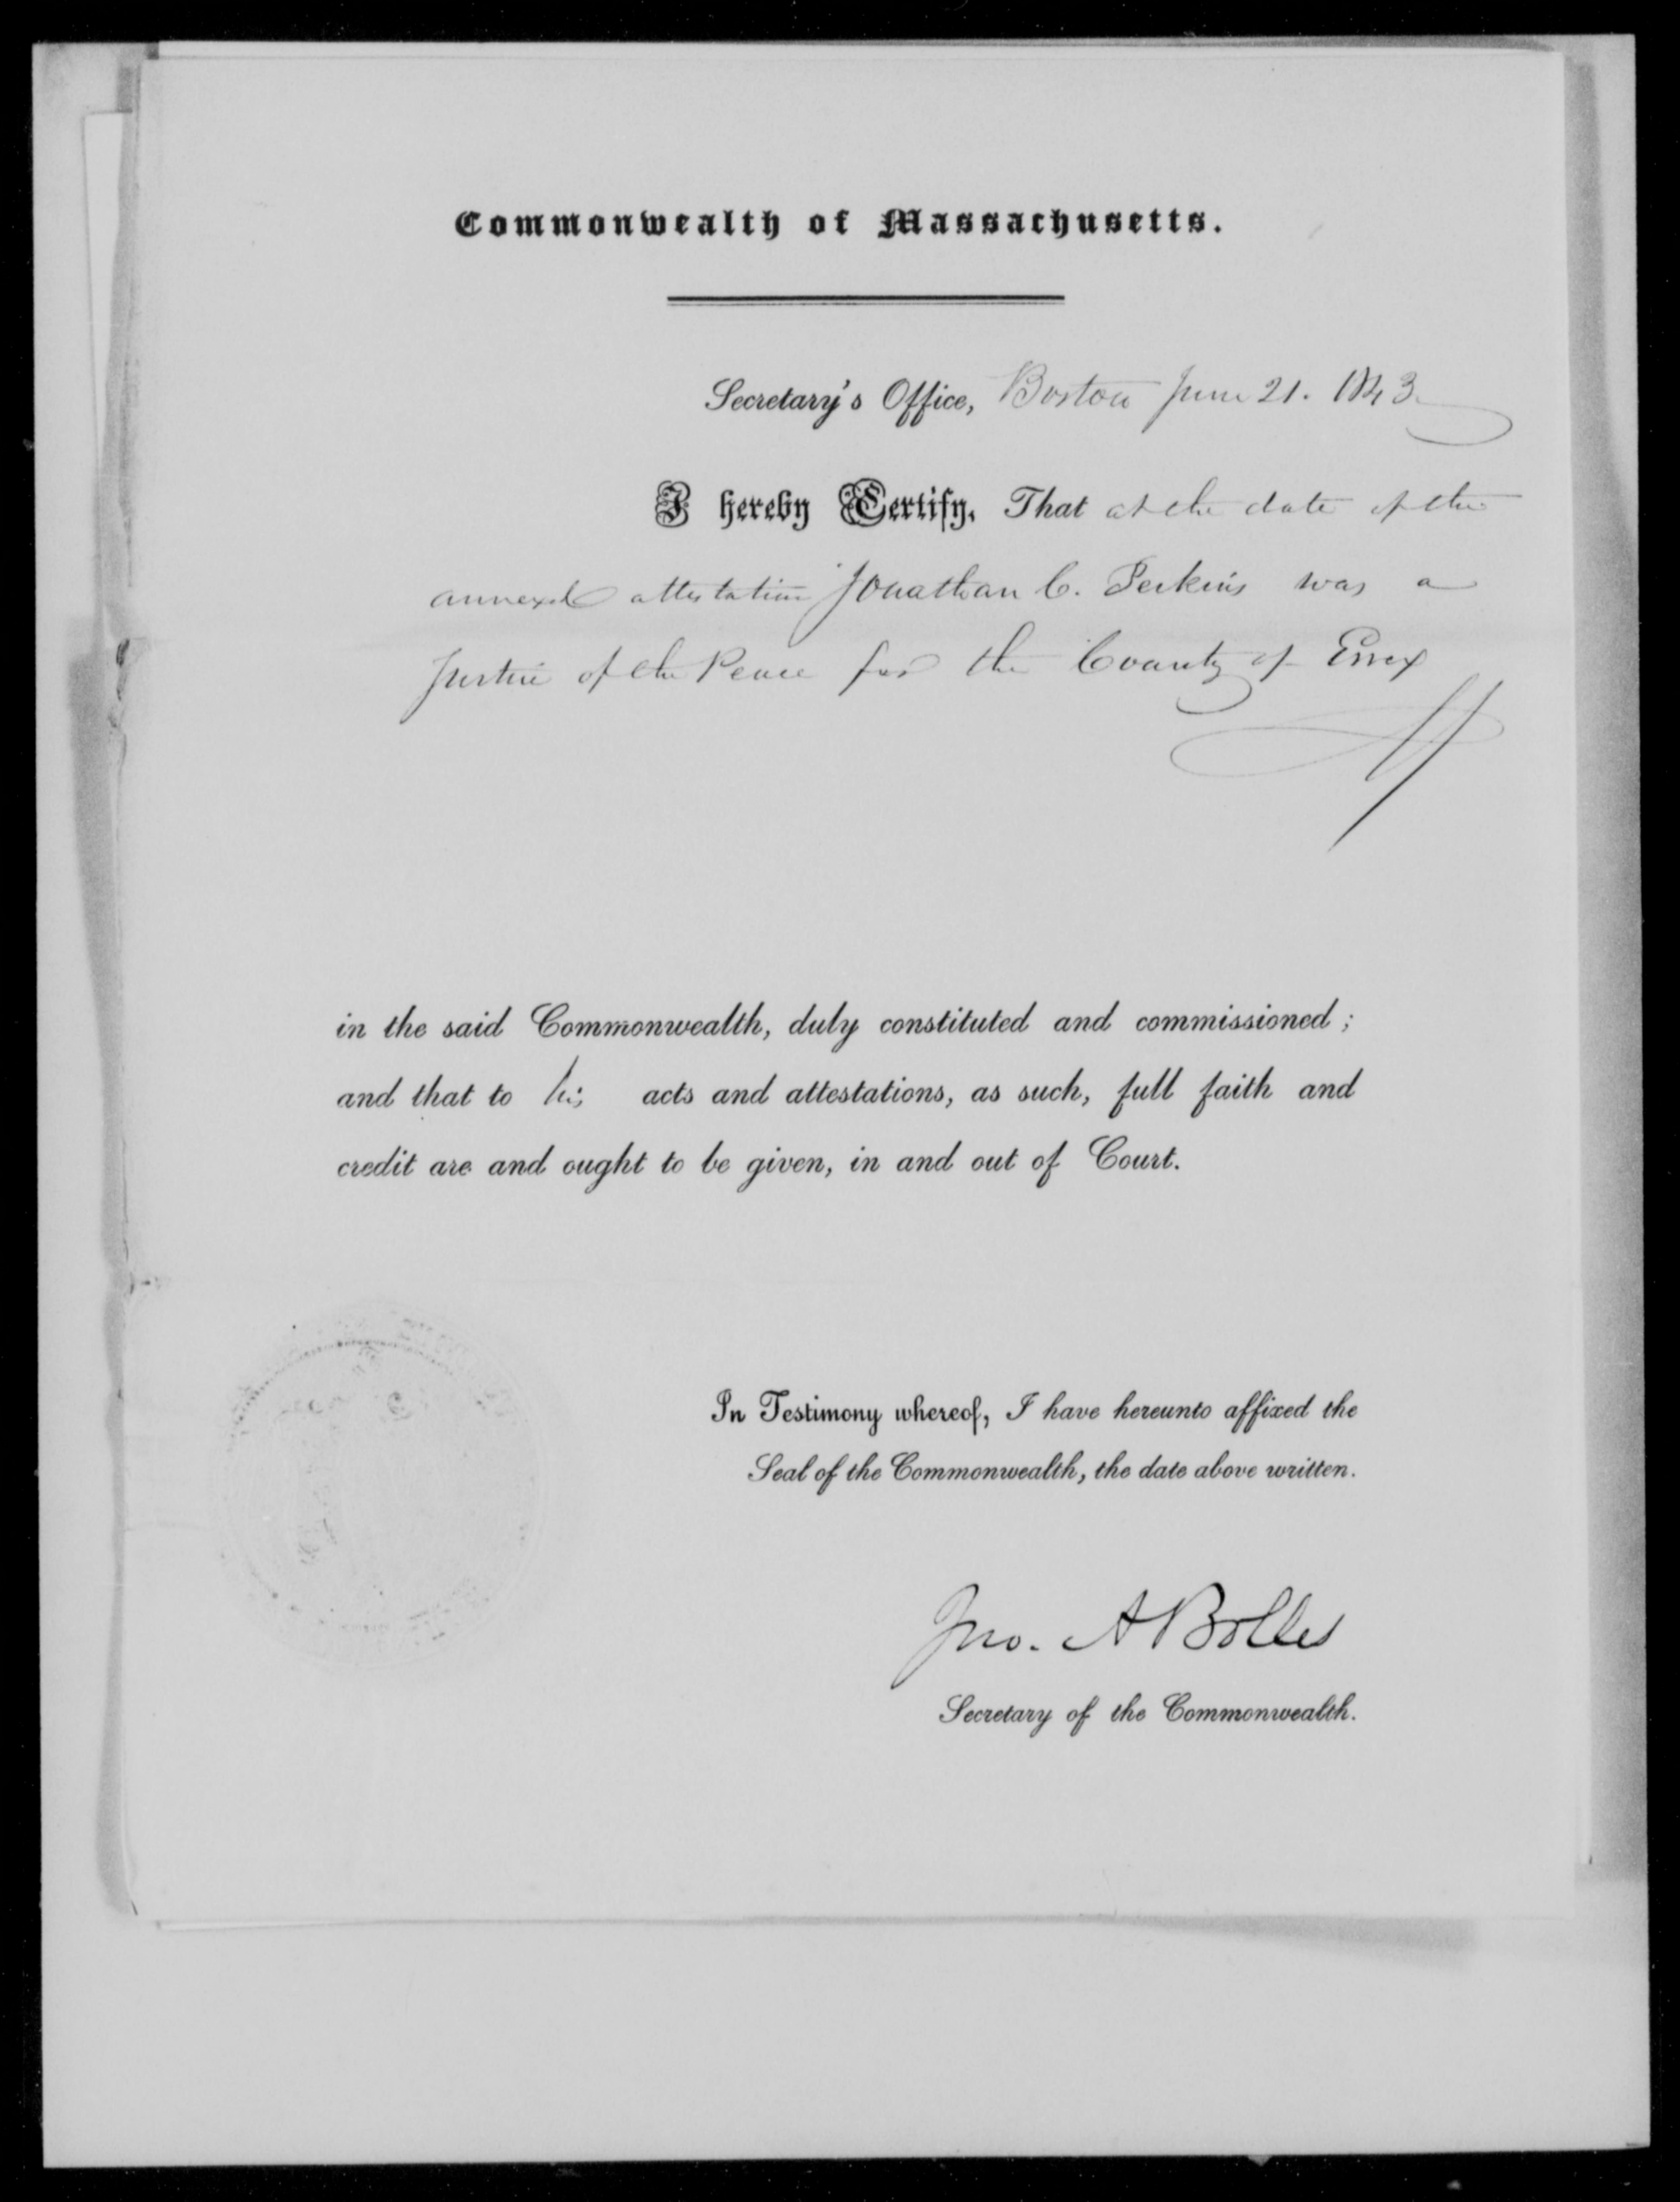Commonwealth of Massachusetts.
Secretary's Office, Boston June 21. 1843.
---
I hereby Certify, That at the date of the
annexed attestation Jonathan C. Perkins was a Justice of the Peace for the County of Essex
in the said Commonwealth. duly constituted and commissioned; and that to his acts and attestations, as such, full faith and credit are and ought to be given, in and out of Court.
In Testimony whereof, I have hereunto affixed the
Seal of the Commonwealth, the date above written.
Jno. A Bolle
Secretary of the Commonwealth.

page: 41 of 55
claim: widow's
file: W. 14,021, for Samuel Tilton, New Hampshire